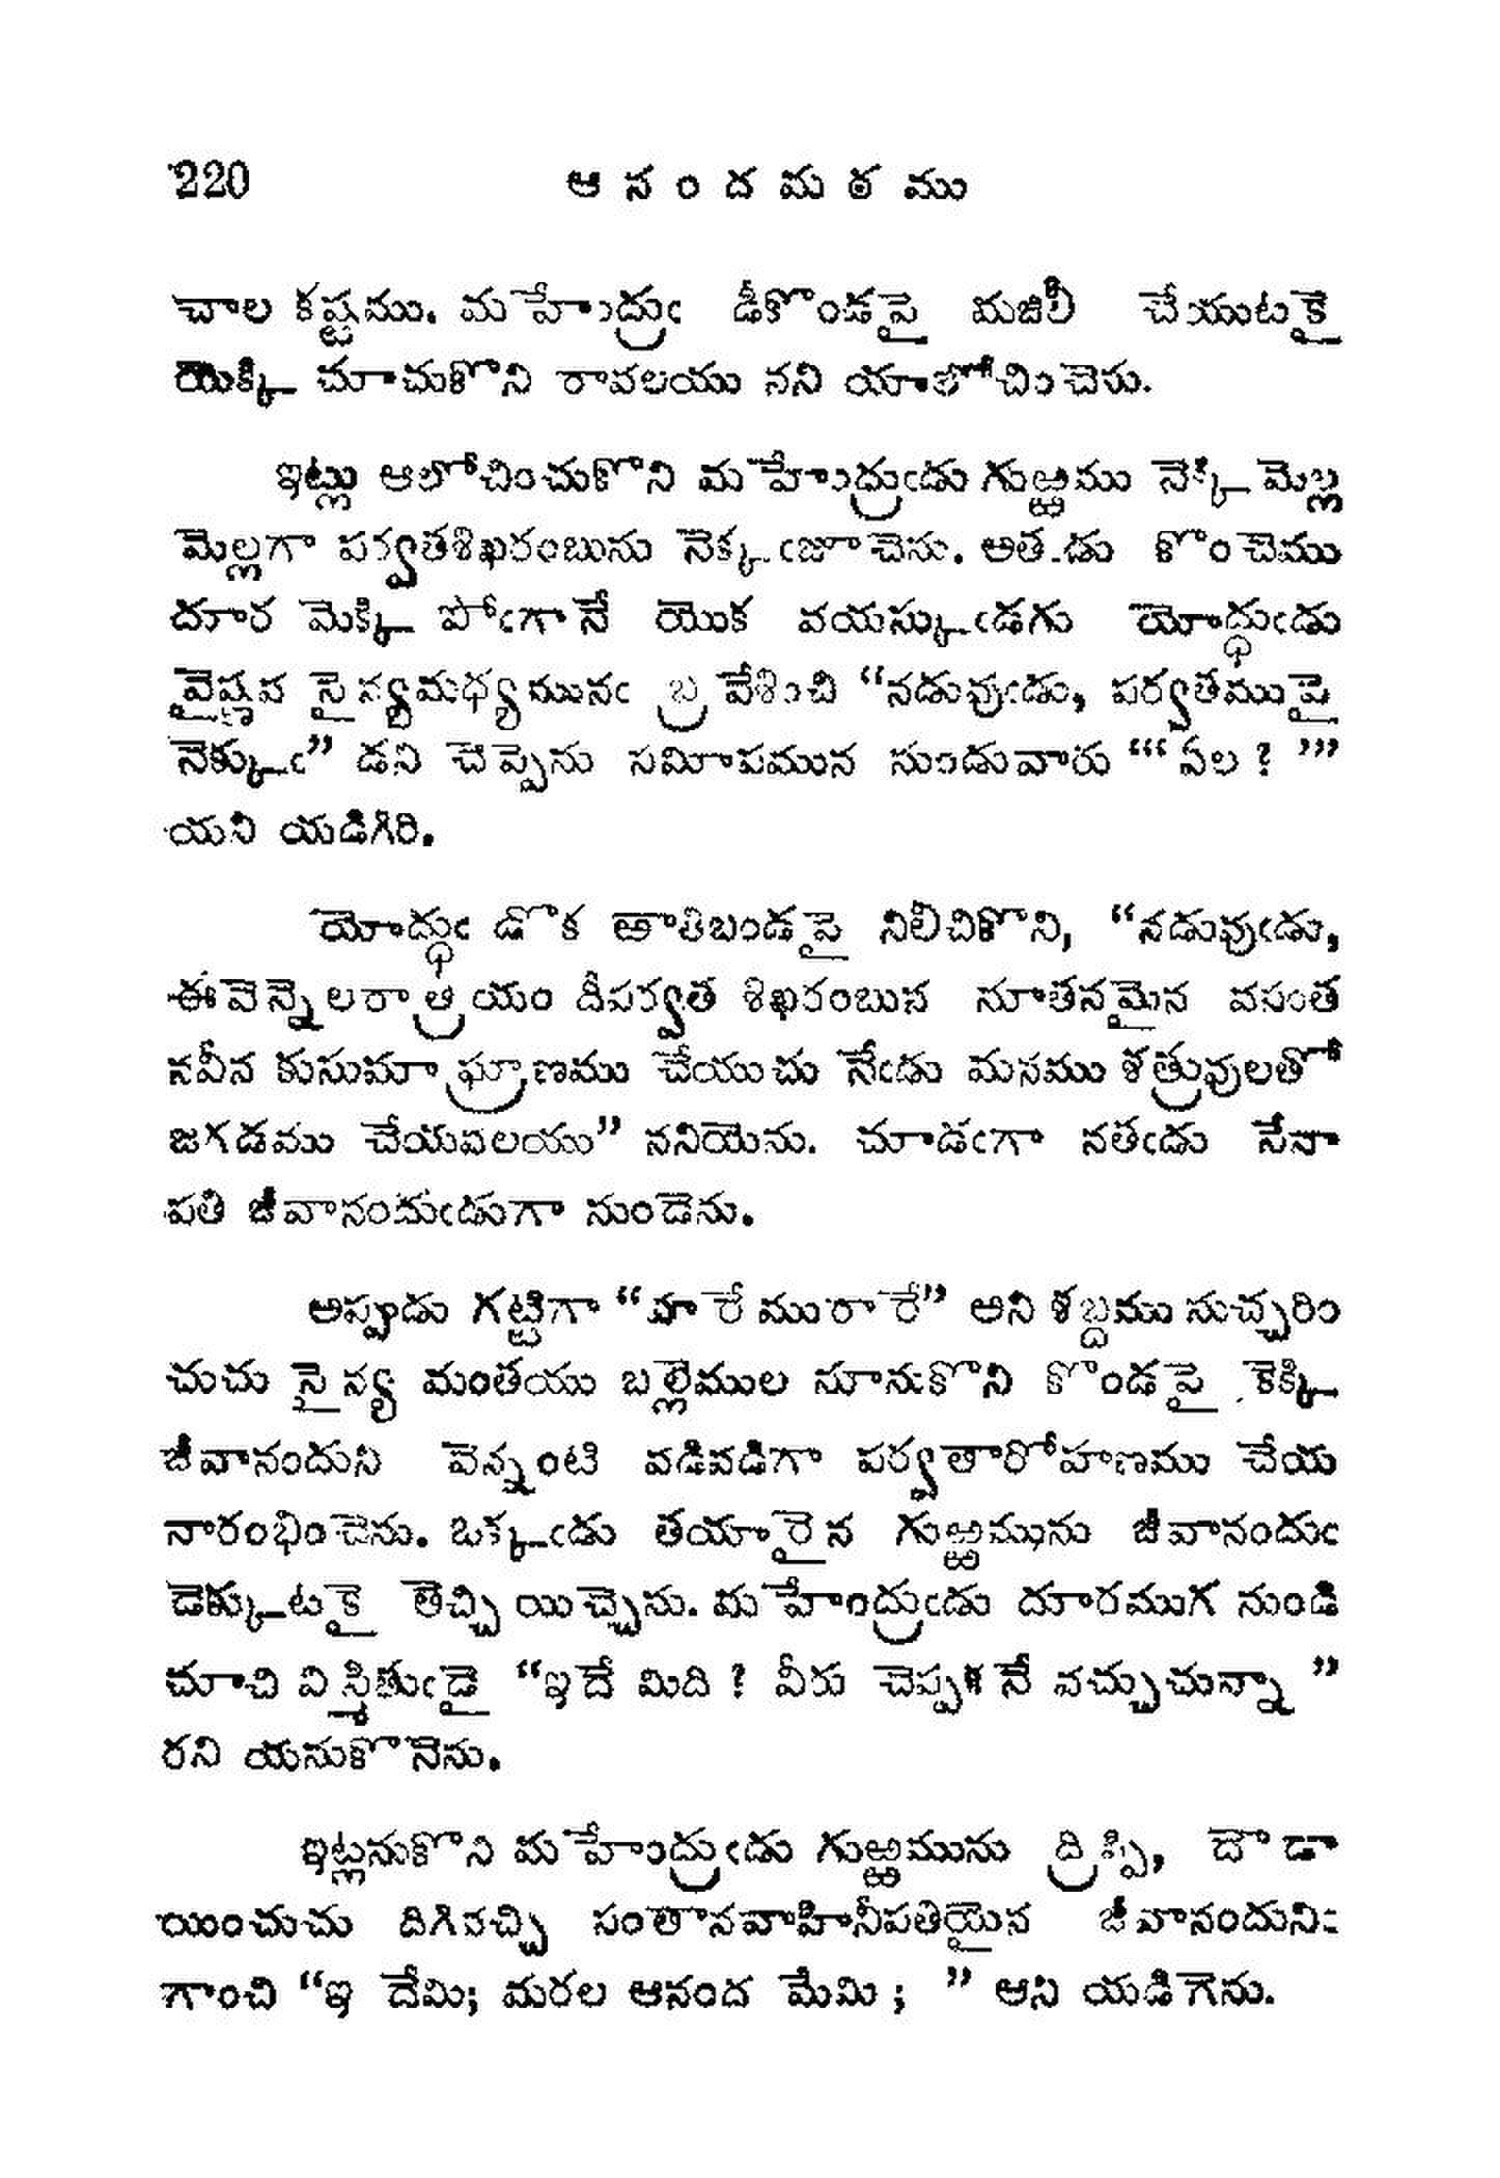చాల కష్టము. మహేద్రుఁ డీకొండపై మజిలీ చేయుటకై యెక్కి చూచుకొని రావలయు నని యాలోచించెను.

ఇట్లు ఆలోచించుకొని మహేంద్రుఁడు గుఱ్ఱము నెక్కి మెల్లమెల్లగా పర్వతశిఖరంబును నెక్కఁజూ చెను. అతఁడు కొంచెము
దూర మెక్కి పోఁగానే యొక వయస్కుఁడగు యోద్ధుఁడు వైష్ణవ సైన్యమధ్యమునఁ బ్రవేశించి "నడువుఁడు, పర్వతము పై
నెక్కుఁ" డని చెప్పెను సమీపమున నుండు వారు "ఏల? ” యని యడిగిరి.

యోద్ధుఁ డొక జాతి బండపై నిలిచికొని, “నడువుఁడు, ఈవెన్నెలరాత్రియం దీపర్వత శిఖరంబున నూతనమైన వసంత
నవీన కుసుమా ఘ్రాణము చేయుచు 'నేఁడు మనము శత్రువులతో జగడము చేయవలయు” ననియెను. చూడఁగా నతఁడు సేనాపతి జీవానందుఁడుగా నుండెను.

అప్పుడు గట్టిగా "హరే మురారే” అని శబ్దము నుచ్చరించుచు సైన్య మంతయు బల్లెముల నూనుకొని కొండపై కెక్కి
దేవానందుని వెన్నంటి వడివడిగా పర్వతారోహణము చేయ నారంభించెను. ఒక్కఁడు తయారైన గుఱ్ఱమును జీవానందుఁ
డెక్కుటకై తెచ్చి యిచ్చెను. మహేంద్రుఁడు దూరముగ నుండి చూచి విస్మితుఁడై "ఇదే మిది ! వీరు చెప్పక నే వచ్చుచున్నా' రని యనుకొనెను.

ఇట్లనుకొని మహేంద్రుఁడు గుఱ్ఱమును త్రిప్పి, దౌడా యించుచు దిగివచ్చి సంతానవాహినీపతియైన జీవానందుని: గాంచి "ఇదేమి; మరల ఆనంద మేమి;" అని యడిగెను.